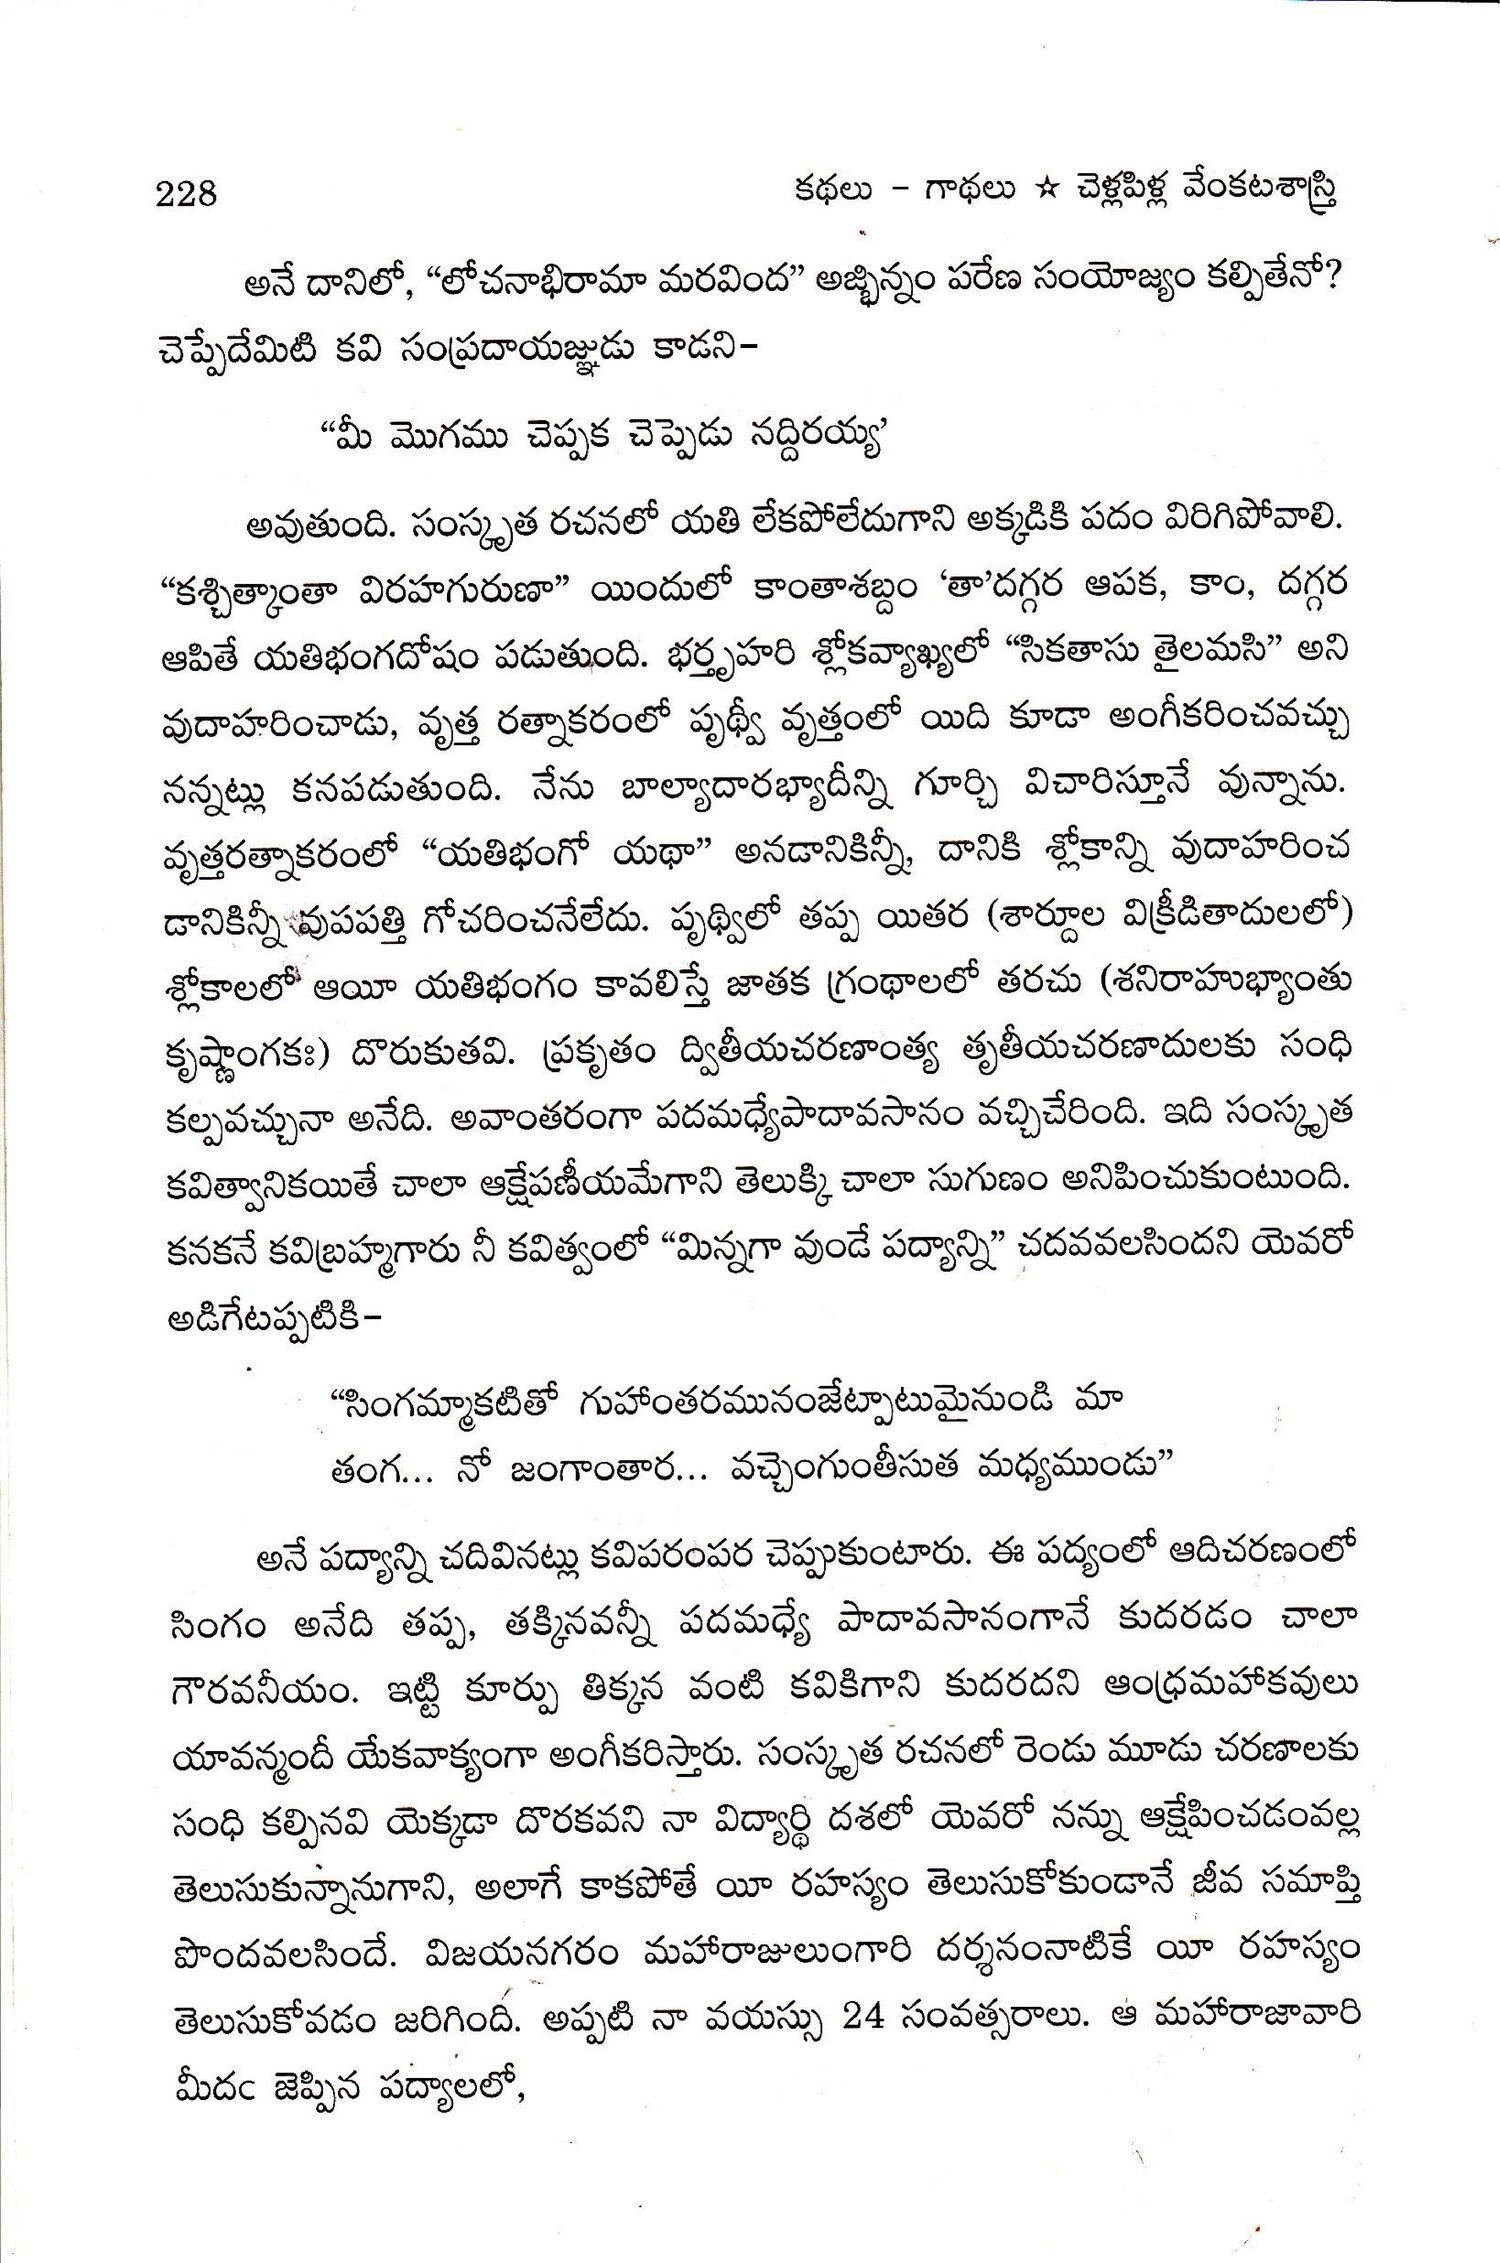అనే దానిలో, “లోచనాభిరామా మరవింద” అజ్భిన్నం పరేణ సంయోజ్యం కల్పితేనో? చెప్పేదేమిటి కవి సంప్రదాయజ్ఞుడు కాడని-

“మీ మొగము చెప్పక చెప్పెడు నద్దిరయ్య"
అవుతుంది. సంస్కృత రచనలో యతి లేకపోలేదుగాని అక్కడికి పదం విరిగిపోవాలి. “కశ్చిత్కాంతా విరహగురుణా” యిందులో కాంతాశబ్దం 'తా'దగ్గర ఆపక, కాం, దగ్గర ఆపితే యతిభంగదోషం పడుతుంది. భర్తృహరి శ్లోకవ్యాఖ్యలో “సికతాసు తైలమసి" అని వుదాహరించాడు, వృత్త రత్నాకరంలో పృధ్వీ వృత్తంలో యిది కూడా అంగీకరించవచ్చు నన్నట్లు కనపడుతుంది. నేను బాల్యాదారభ్యాదీన్ని గూర్చి విచారిస్తూనే వున్నాను. వృత్తరత్నాకరంలో “యతిభంగో యథా” అనడానికిన్నీ దానికి శ్లోకాన్ని వుదాహరించడానికిన్నీ వుపపత్తి గోచరించనేలేదు. పృథ్విలో తప్ప యితర (శార్దూల విక్రీడితాదులలో) శ్లోకాలలో ఆయీ యతిభంగం కావలిస్తే జాతక గ్రంథాలలో తరచు (శనిరాహుభ్యాంతు కృష్ణాంగకః) దొరుకుతవి. ప్రకృతం ద్వితీయచరణాంత్య తృతీయచరణాదులకు సంధి కల్పవచ్చునా అనేది. అవాంతరంగా పదమధ్యేపాదావసానం వచ్చిచేరింది. ఇది సంస్కృత కవిత్వానికయితే చాలా ఆక్షేపణీయమేగాని తెలుక్కి చాలా సుగుణం అనిపించుకుంటుంది. కనకనే కవిబ్రహ్మగారు నీ కవిత్వంలో “మిన్నగా వుండే పద్యాన్ని" చదవవలసిందని యెవరో అడిగేటప్పటికి- -

"సింగమ్మాకటితో గుహాంతరమునంజేట్పాటుమైనుండి మా 
 తంగ.. నో జంగాంతార.. వచ్చెంగుంతీసుత మధ్యముండు"
అనే పద్యాన్ని చదివినట్లు కవిపరంపర చెప్పుకుంటారు. ఈ పద్యంలో ఆదిచరణంలో సింగం అనేది తప్ప, తక్కినవన్నీ పదమధ్యే పాదావసానంగానే కుదరడం చాలా గౌరవనీయం. ఇట్టి కూర్పు తిక్కన వంటి కవికిగాని కుదరదని ఆంధ్రమహాకవులు యావన్మందీ యేకవాక్యంగా అంగీకరిస్తారు. సంస్కృత రచనలో రెండు మూడు చరణాలకు సంధి కల్పినవి యెక్కడా దొరకవని నా విద్యార్థి దశలో యెవరో నన్ను ఆక్షేపించడంవల్ల తెలుసుకున్నానుగాని, అలాగే కాకపోతే యీ రహస్యం తెలుసుకోకుండానే జీవ సమాప్తి పొందవలసిందే. విజయనగరం మహారాజులుంగారి దర్శనంనాటికే యీ రహస్యం తెలుసుకోవడం జరిగింది. అప్పటి నా వయస్సు 24 సంవత్సరాలు. ఆ మహారాజావారి మీదఁ జెప్పిన పద్యాలలో,